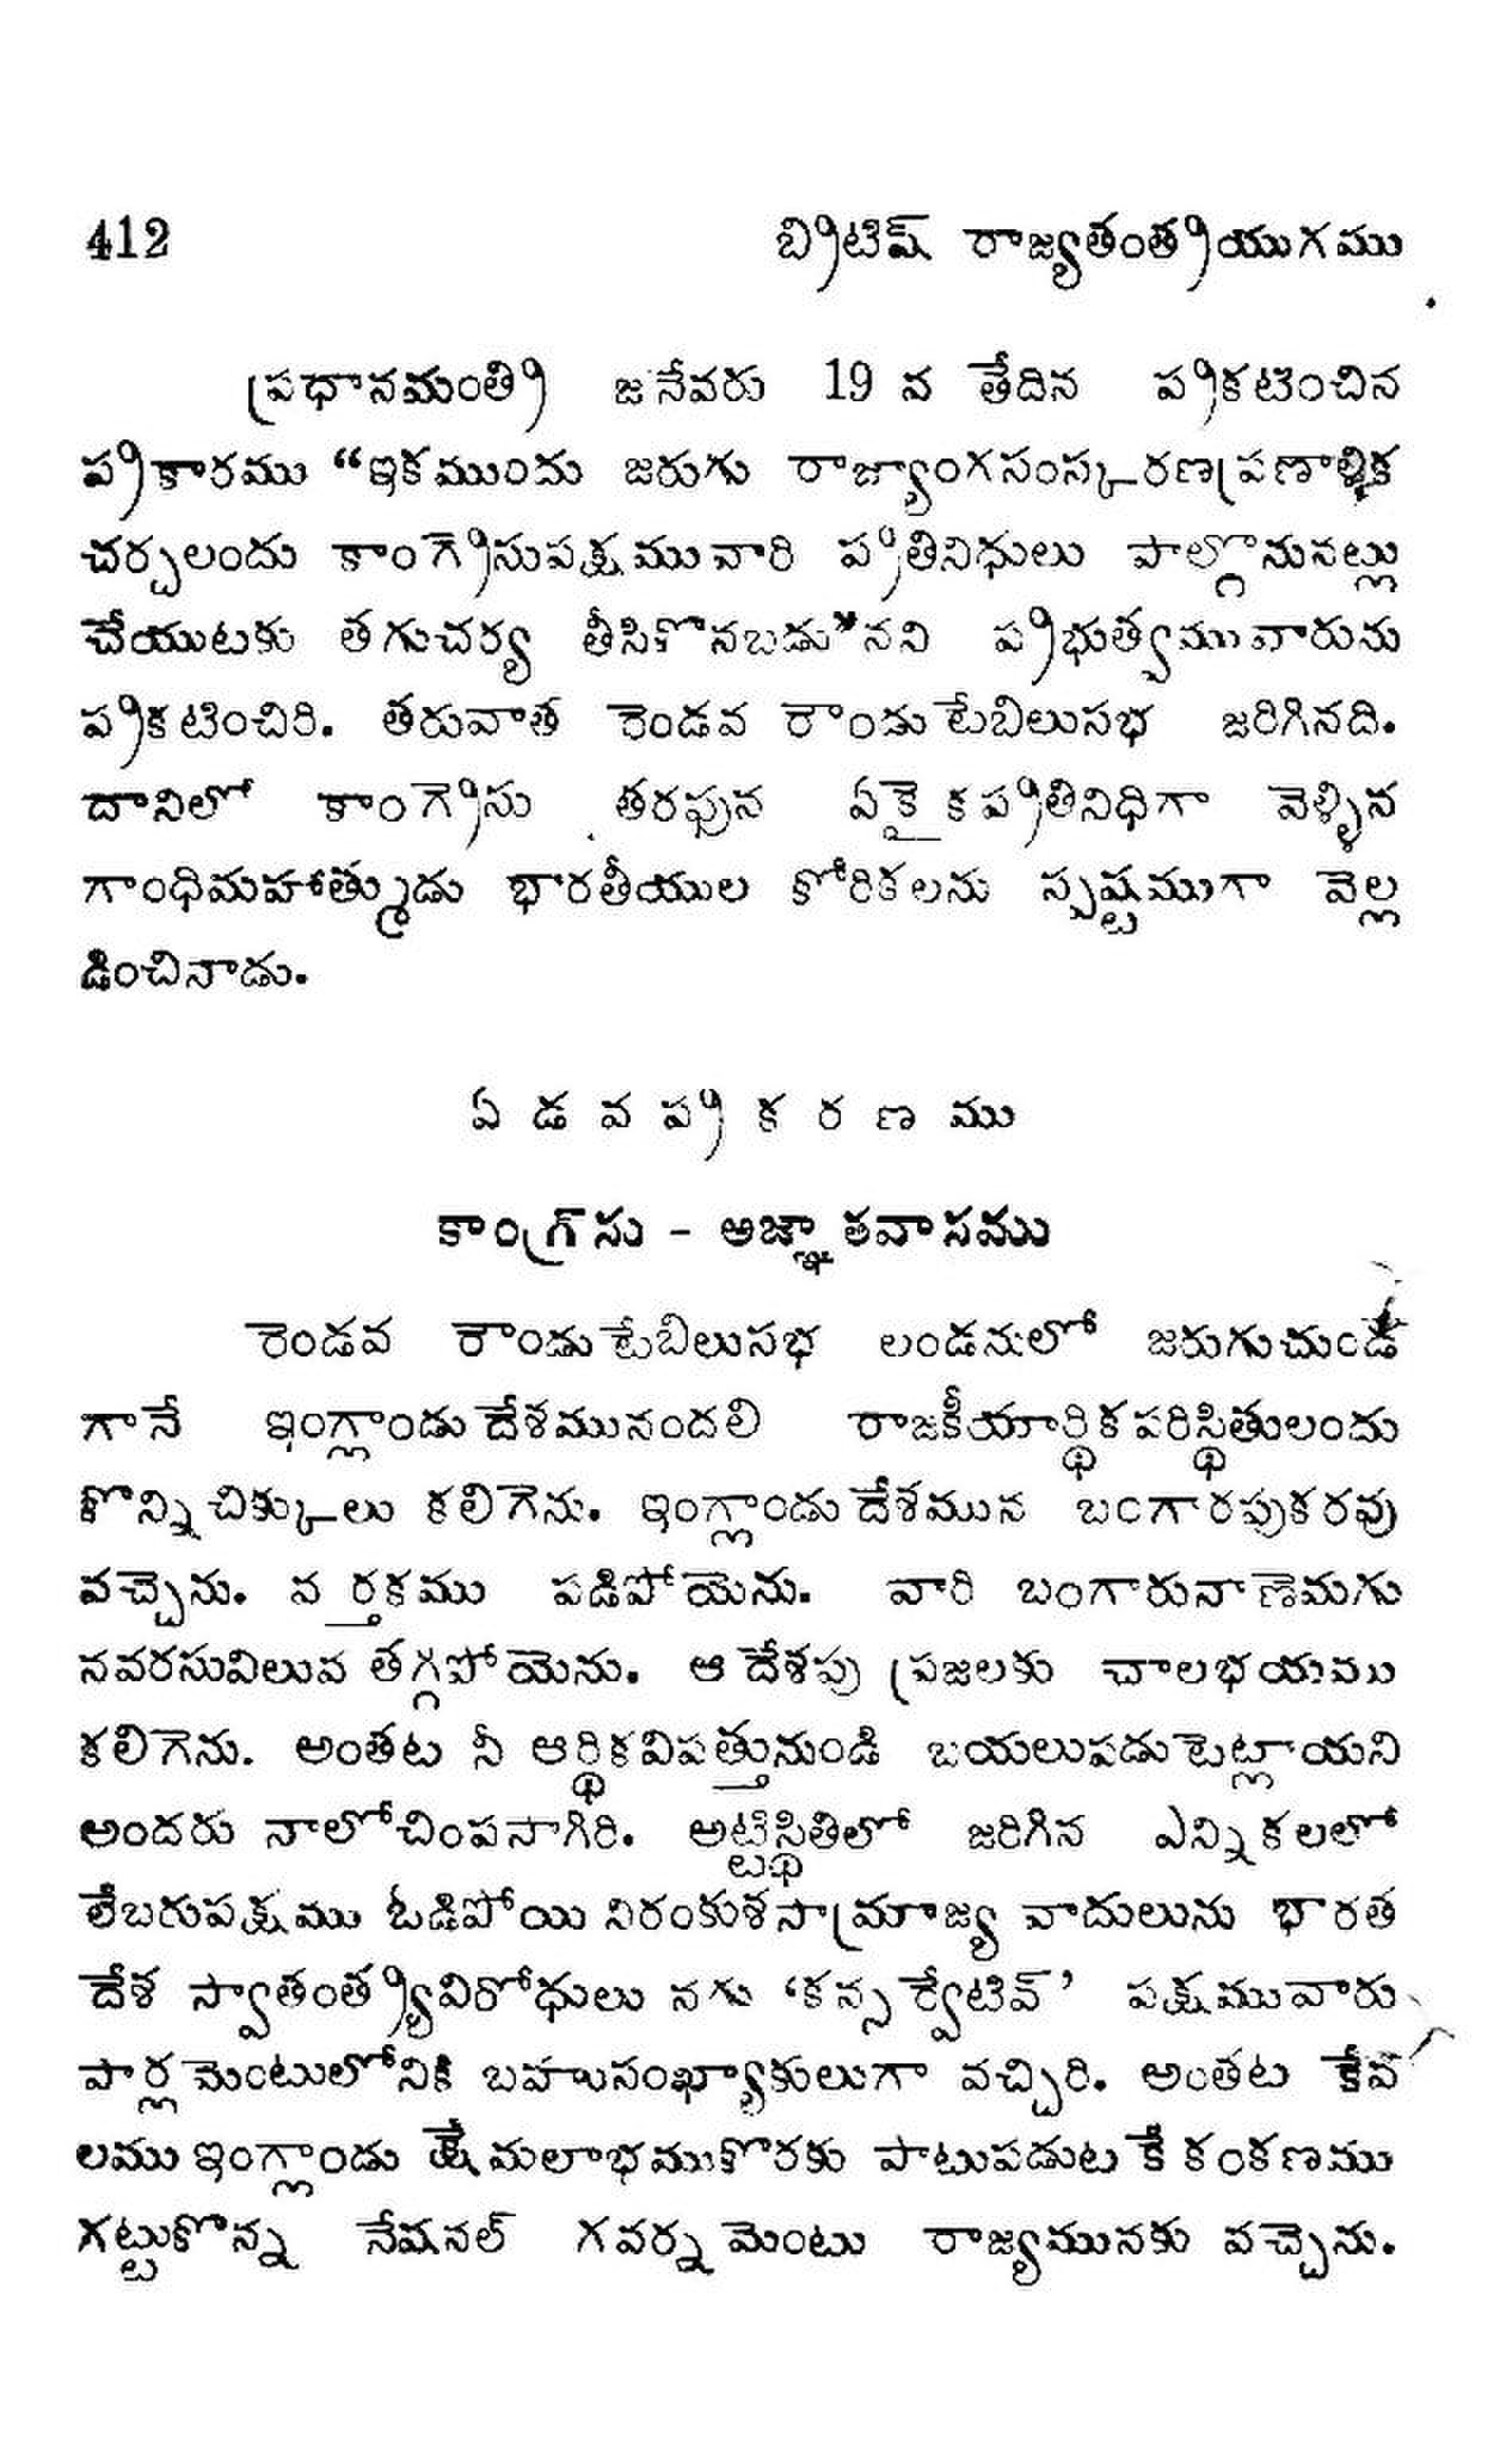ప్రధానమంత్రి జనేవరు 19 వ తేదిన ప్రకటించిన ప్రకారము “ఇకముందు జరుగు రాజ్యాంగసంస్కరణప్రణాళిక చర్చలందు కాంగ్రెసుపక్షమువారి ప్రతినిధులు పాల్గొనునట్లు చేయుటకు తగుచర్య తీసికొనబడు"నని ప్రభుత్వమువారును ప్రకటించిరి. తరువాత రెండవ రౌండుటేబిలుసభ జరిగినది. దానిలో కాంగ్రెసు తరఫున ఏకైకప్రతినిధిగా వెళ్ళిన గాంధిమహాత్ముడు భారతీయుల కోరికలను స్పష్టముగా వెల్లడించినాడు.

ఏడవ ప్రకరణము 
కాంగ్రెసు - అజ్ఞాతవాసము

రెండవ రౌండుటేబిలుసభ లండనులో జరుగుచుండగానే ఇంగ్లాండుదేశమునందలి రాజకీయార్థికపరిస్థితులందు
కొన్నిచిక్కులు కలిగెను. ఇంగ్లాండుదేశమున బంగారపుకరవు వచ్చెను. వర్తకము పడిపోయెను. వారి బంగారునాణెమగు నవరసువిలువ తగ్గిపోయెను. ఆ దేశపు ప్రజలకు చాలభయము కలిగెను. అంతట నీ ఆర్థికవిపత్తునుండి బయలుపడు టెట్లాయని అందరు నాలోచింపసాగిరి. అట్టిస్థితిలో జరిగిన ఎన్నికలలో లేబరుపక్షము ఓడిపోయి నిరంకుశసామ్రాజ్య వాదులును భారతదేశ స్వాతంత్ర్యవిరోధులు నగు 'కన్సర్వేటివ్' పక్షమువారు పార్లమెంటులోనికి బహుసంఖ్యాకులుగా వచ్చిరి. అంతట కేవలము ఇంగ్లాండు క్షేమలాభముకొరకు పాటుపడుట కే కంకణము గట్టుకొన్న నేషనల్ గవర్నమెంటు రాజ్యమునకు వచ్చెను.